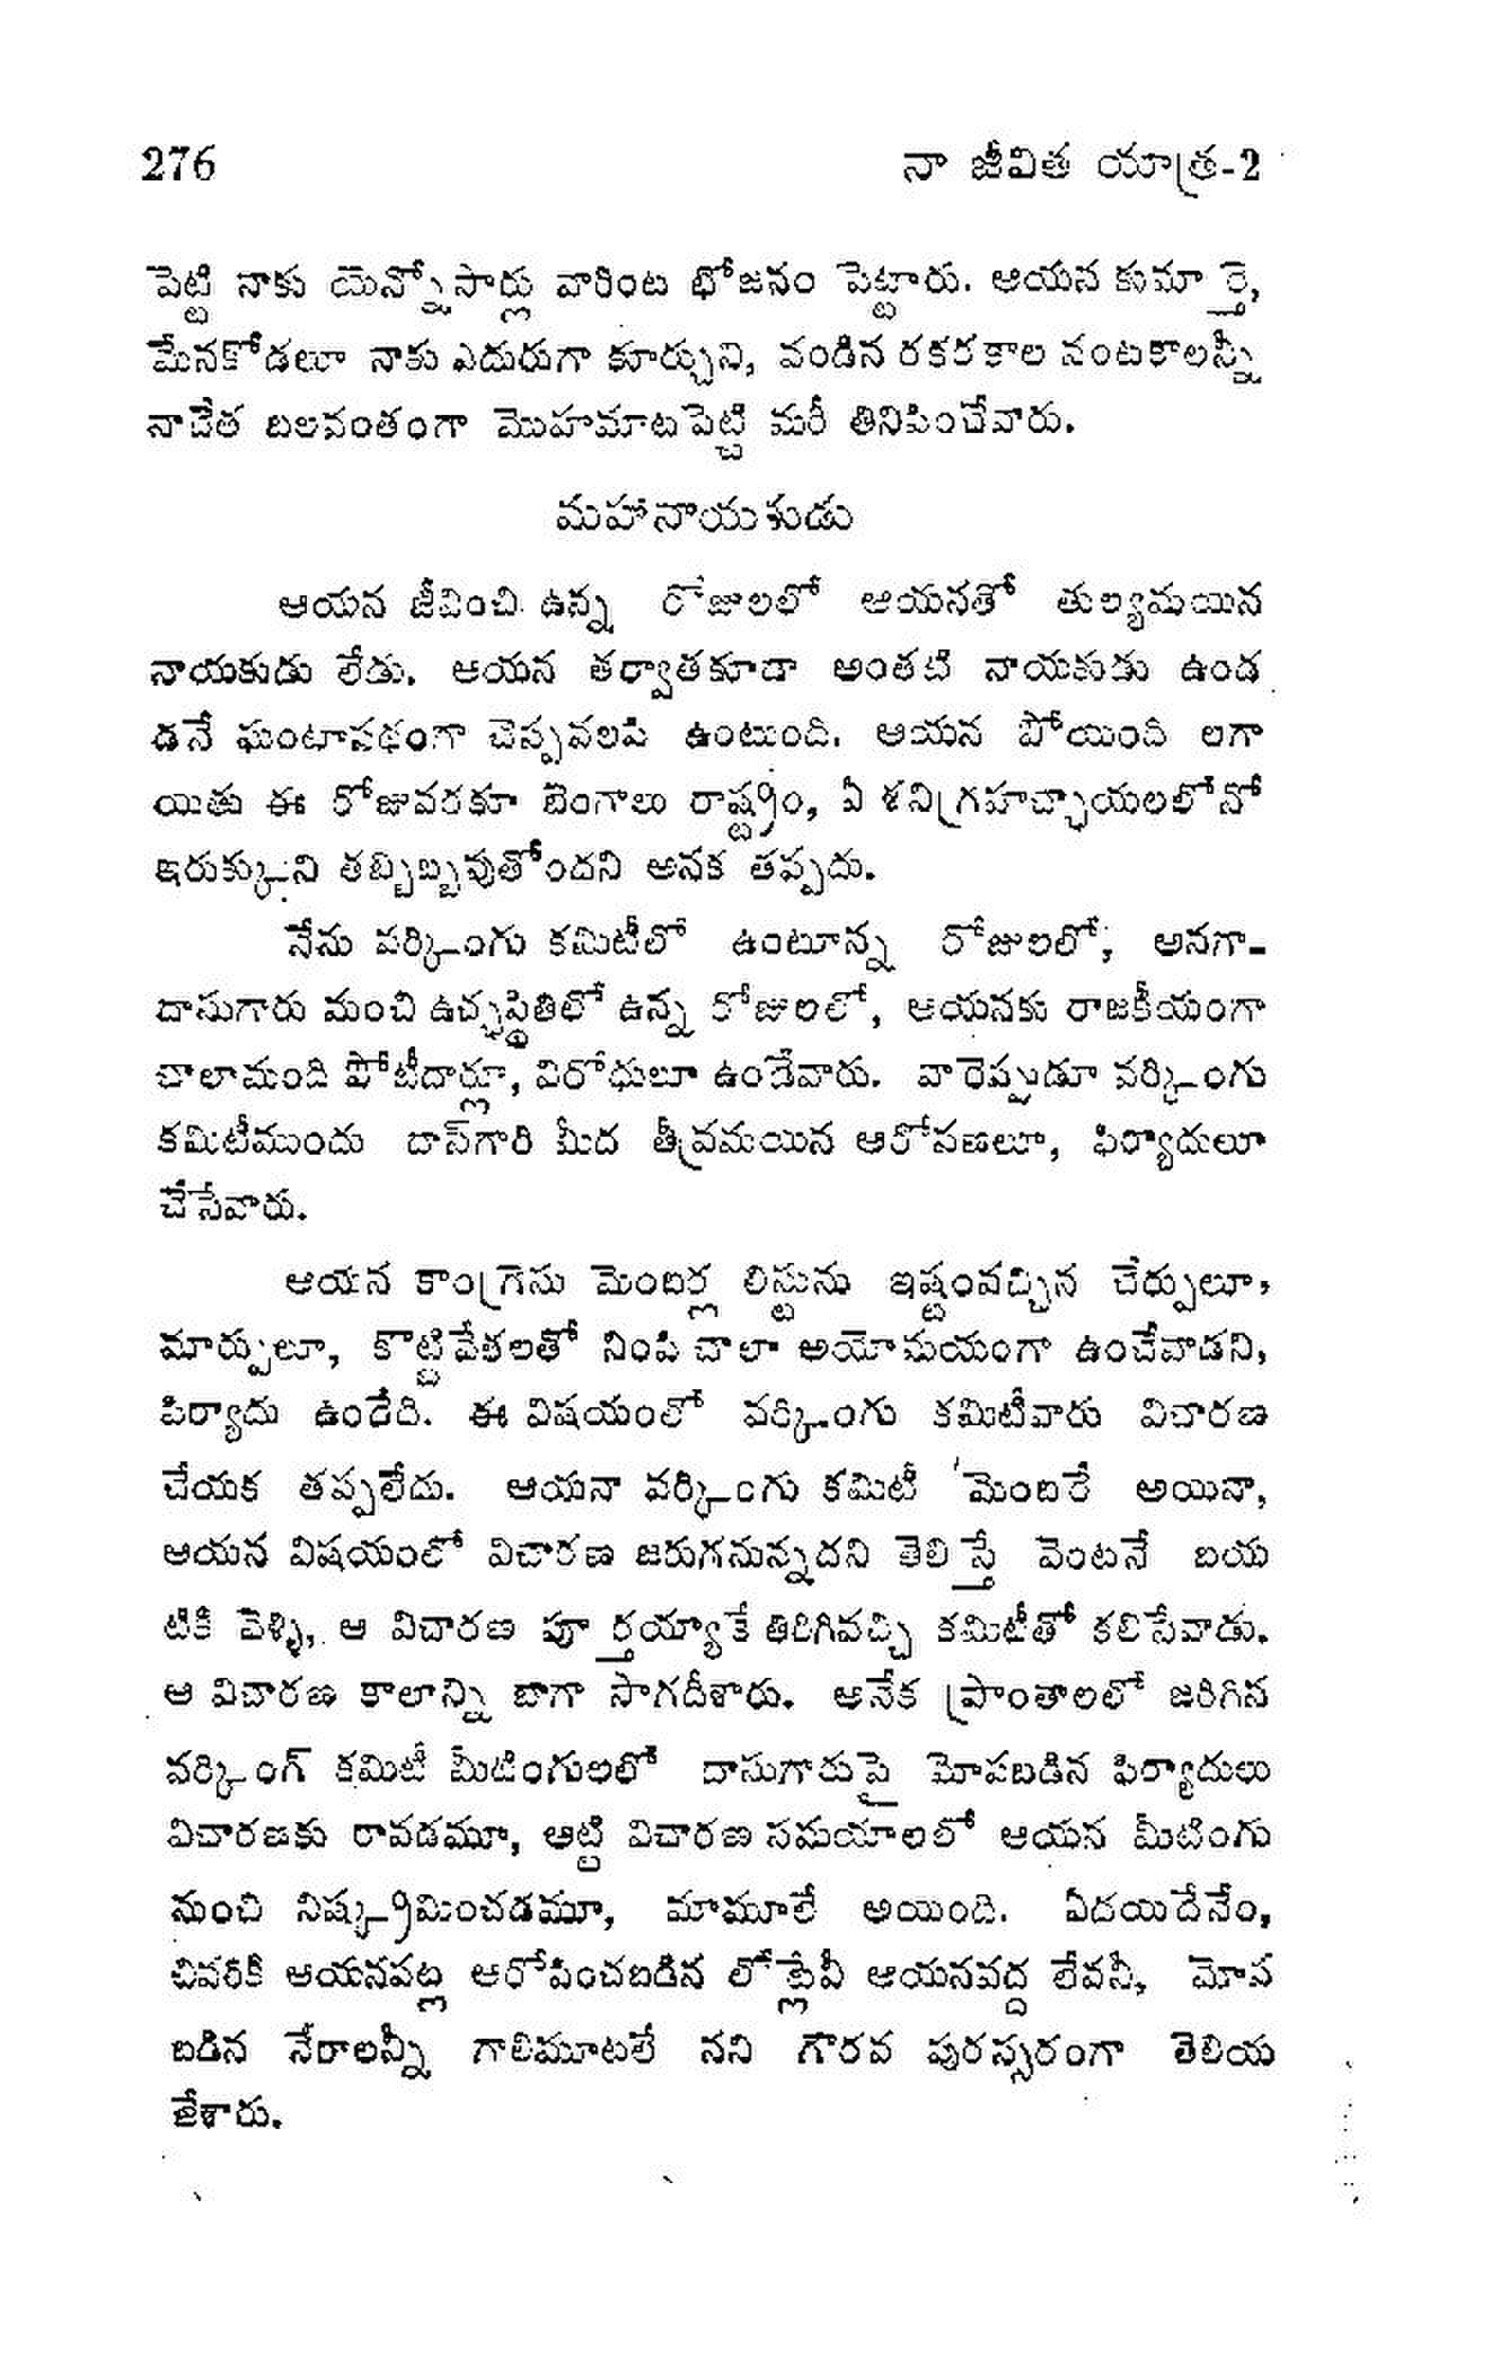పెట్టి నాకు యెన్నోసార్లు వారింట భోజనం పెట్టారు. ఆయన కుమార్తె, మేనకోడలూ నాకు ఎదురుగా కూర్చుని, వండిన రకరకాల వంటకాలన్నీ నాచేత బలవంతంగా మొహమాట పెట్టి మరీ తినిపించేవారు.

ఆయన జీవించి ఉన్న రోజులలో ఆయనతో తుల్యమయిన నాయకుడు లేడు. ఆయన తర్వాతకూడా అంతటి నాయకుడు ఉండడనే ఘంటాపథంగా చెప్పవలసి ఉంటుంది. ఆయన పోయింది లగాయితు ఈ రోజువరకూ బెంగాలు రాష్ట్రం, ఏ శనిగ్రహచ్ఛాయలలోనో ఇరుక్కుని తబ్బిబ్బవుతోందని అనక తప్పదు.

నేను వర్కింగు కమిటీలో ఉంటూన్న రోజులలో, అనగా-దాసుగారు మంచి ఉచ్చస్థితిలో ఉన్న రోజులలో, ఆయనకు రాజకీయంగా చాలామంది పోటీదార్లూ, విరోధులూ ఉండేవారు. వారెప్పుడూ వర్కింగు కమిటీముందు దాస్‌గారి మీద తీవ్రమయిన ఆరోపణలూ, ఫిర్యాదులూ చేసెవారు.

ఆయన కాంగ్రెసు మెంబర్ల లిస్టును ఇష్టంవచ్చిన చేర్పులూ, మార్పులూ, కొట్టివేతలతో నింపి చాలా అయోమయంగా ఉండేవాడని, పిర్యాదు ఉండేది. ఈ విషయంలో వర్కింగు కమిటీవారు విచారణ చేయక తప్పలేదు. ఆయనా వర్కింగు కమిటి మెంబరే అయినా, ఆయన విషయంలో విచారణ జరుగనున్నదని తెలిస్తే వెంటనే బయటికి వెళ్ళి, ఆ విచారణ పూర్తయ్యాకే తిరిగివచ్చి కమిటీతో కలిసేవాడు. ఆ విచారణ కాలాన్ని బాగా సాగదీశారు. అనేక ప్రాంతలలో జరిగిన వర్కింగ్ కమిటీ మీటింగులలో దాసుగారిపై మోపబడిన పిర్యాదులు విచారణకు రావడమూ, అట్టి విచారణ సమయాలలో ఆయన మీటింగు నుంచి నిష్క్రమించడమూ, మామూలే అయింది. ఏదయిదేనేం, చివరికి ఆయనపట్ల ఆరోపించబడిన లోట్లేవీ ఆయనవద్ద లేవనీ, మోపబడిన నేరాలన్నీ గాలిమూటలే నని గౌరవ పురస్సరంగా తెలియ జేశారు.